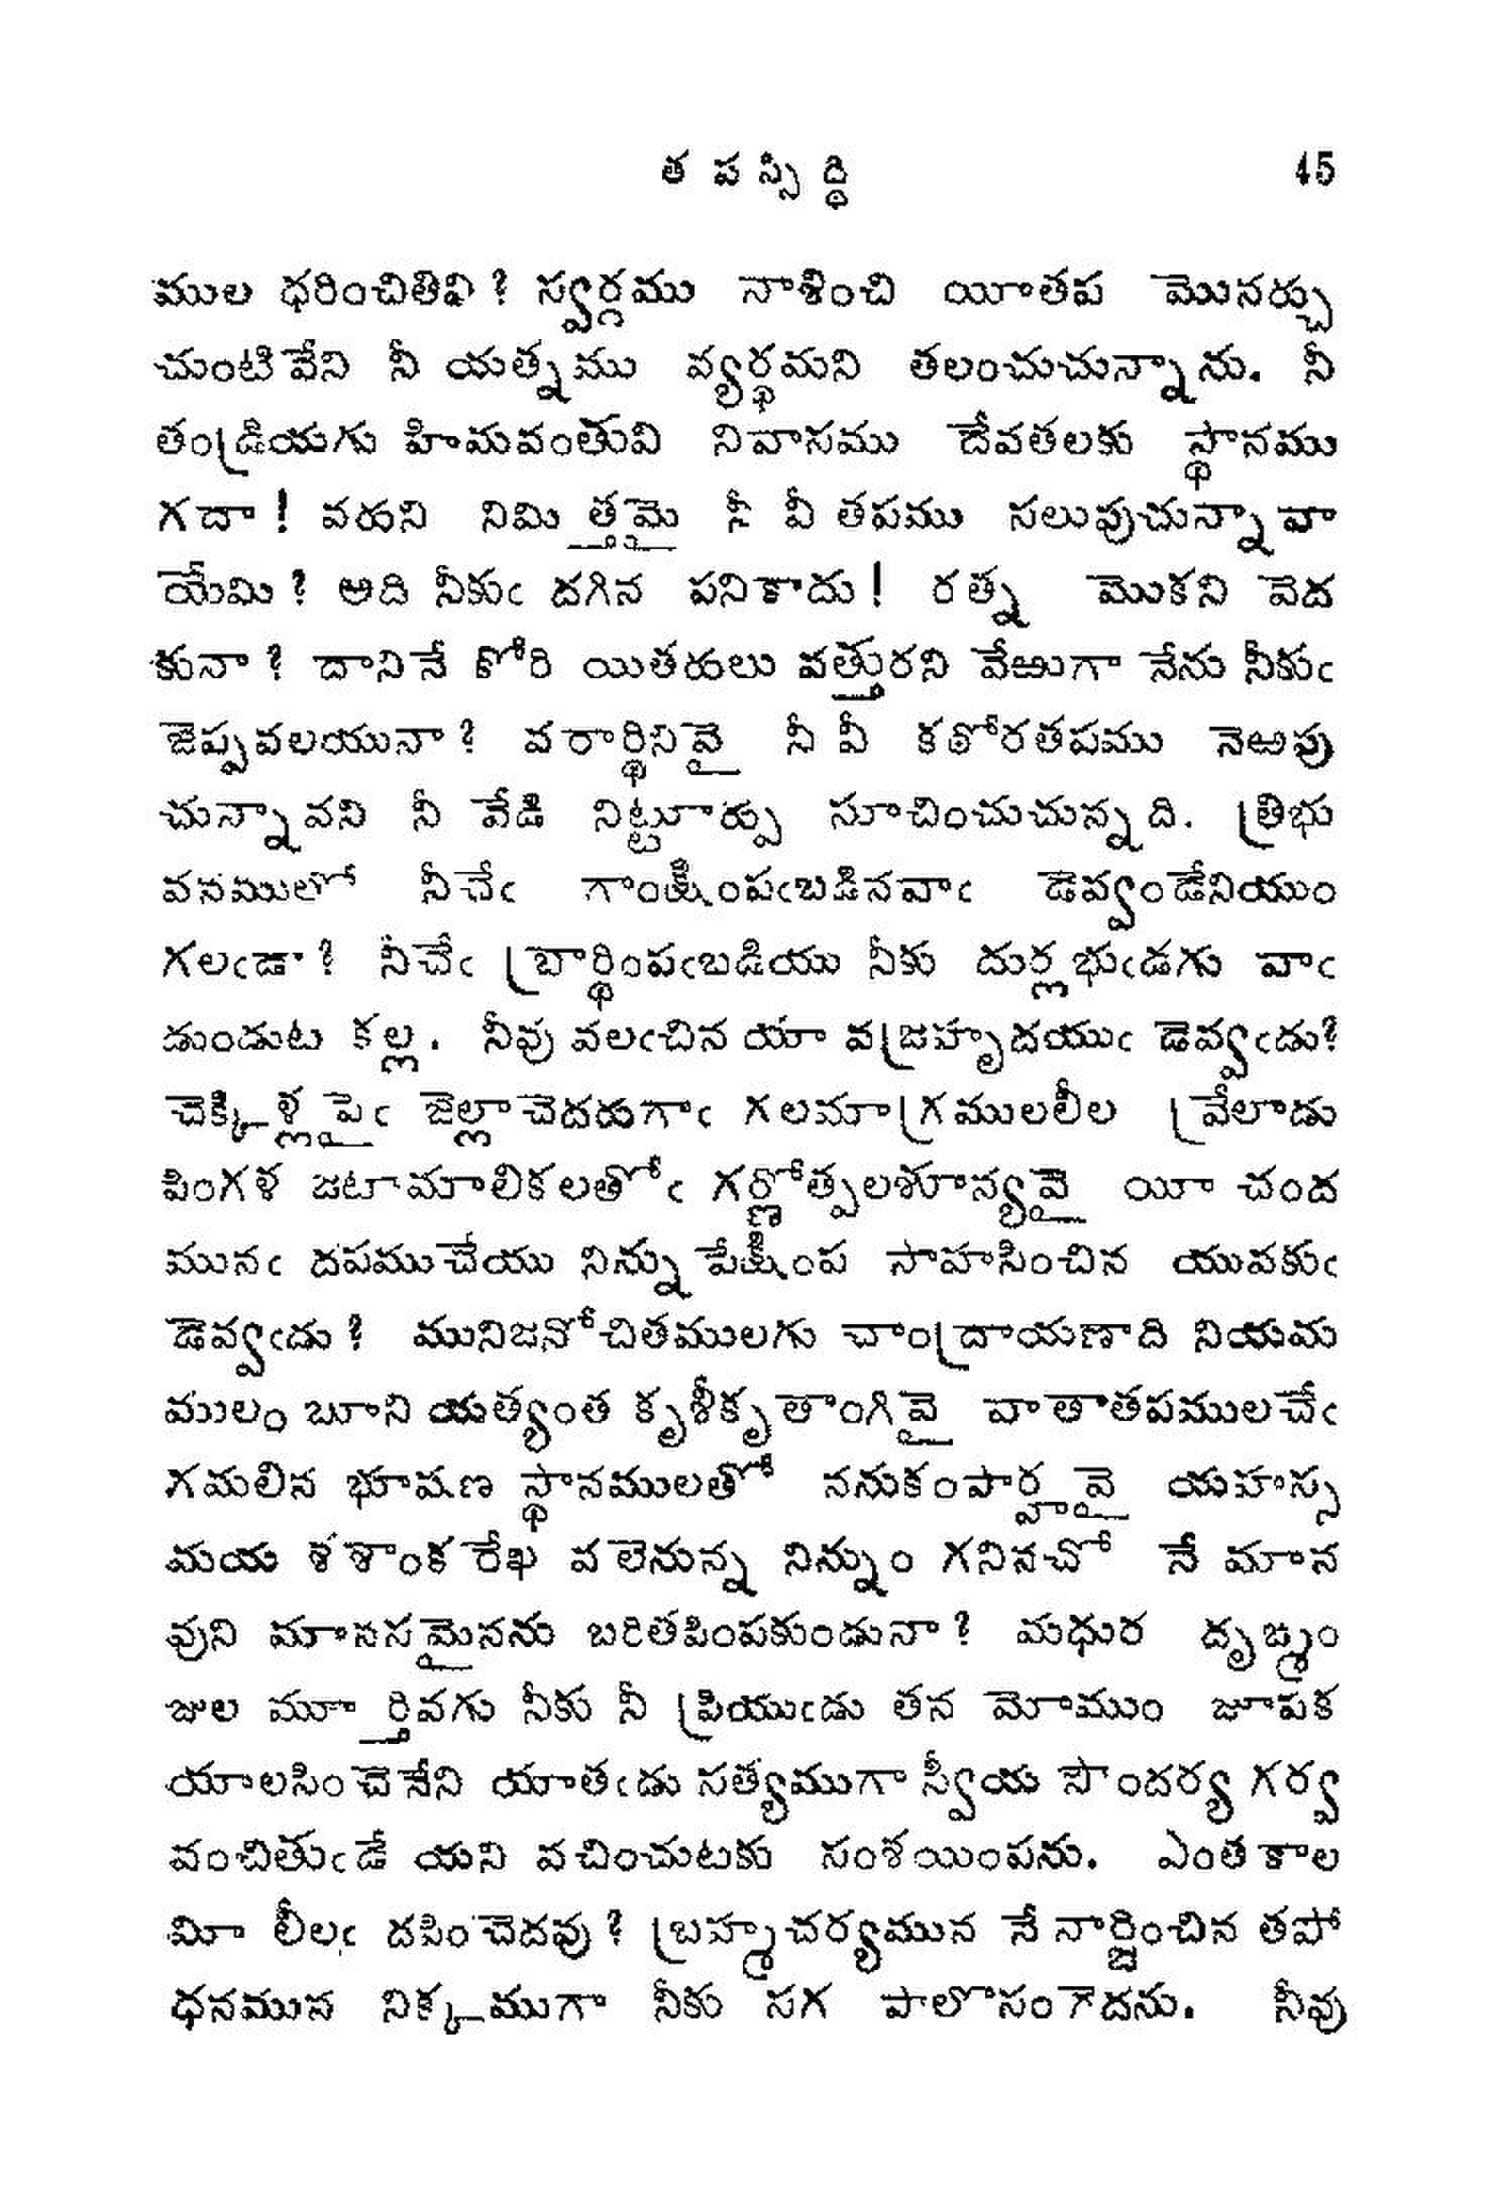ముల ధరించితివి ? స్వర్గము నాశించి యీతప మొనర్చు చుంటివేని నీ యత్నము వ్యర్థమని తలంచుచున్నాను. నీ
తండ్రియగు హిమవంతుని నివాసము దేవతలకు స్థానము గదా ! వరుని నిమిత్తమై నీ వీ తపము సలుపుచున్నావా
యేమి? అది నీకుఁ దగిన పనికాదు! రత్న మొకని వెదకునా? దానినే కోరి యితరులు వత్తురని వేఱుగా నేను నీకుఁ
జెప్పవలయునా? వరార్థినిపై నీ వీ కఠోరతపము నెఱపు చున్నావని నీ వేడి నిట్టూర్పు సూచించుచున్నది. త్రిభువనములో నీచేఁ గాంక్షింపఁబడినవాఁ డెవ్వండేనియుం గలఁడా? నీ చేఁ బ్రార్థింపఁబడియు నీకు దుర్లభుఁడగు వాఁడుండుట కల్ల. నీవు వలఁచిన యా వజ్రహృదయుఁ డెవ్వఁడు? చెక్కిళ్ల పైఁ జెల్లా చెదరుగాఁ గలమాగ్రములలీల వ్రేలాడు పింగళ జటామాలికలతోఁ గర్ణోత్పలశూన్యవై యీ చందమునఁ దపముచేయు నిన్ను పేక్షింప సాహసించిన యువకుఁ డెవ్వఁడు? మునిజనోచితములగు చాంద్రాయణాది నియమములం బూని యత్యంత కృశీకృతాంగిపై వాతాతపములచేఁ గమలిన భూషణ స్థానములతో ననుకంపార్హ వై యహస్సమయ శశాంక రేఖ వలెనున్న నిన్నుం గనినచో నే మానవుని మానసమైనను బరితపింపకుండునా? మధుర దృఙ్మంజుల మూర్తివగు నీకు నీ ప్రియుఁడు తన మోముం జూపక యాలసించెనేని యాతఁడు సత్యముగా స్వీయ సౌందర్య గర్వ వంచితుఁడే యని వచించుటకు సంశయింపను. ఎంతకాల మీ లీలఁ దపించెదవు? బ్రహ్మచర్యమున నే నార్జించిన తపోధనమున నిక్కముగా నీకు సగ పాలొసంగెదను. నీవు